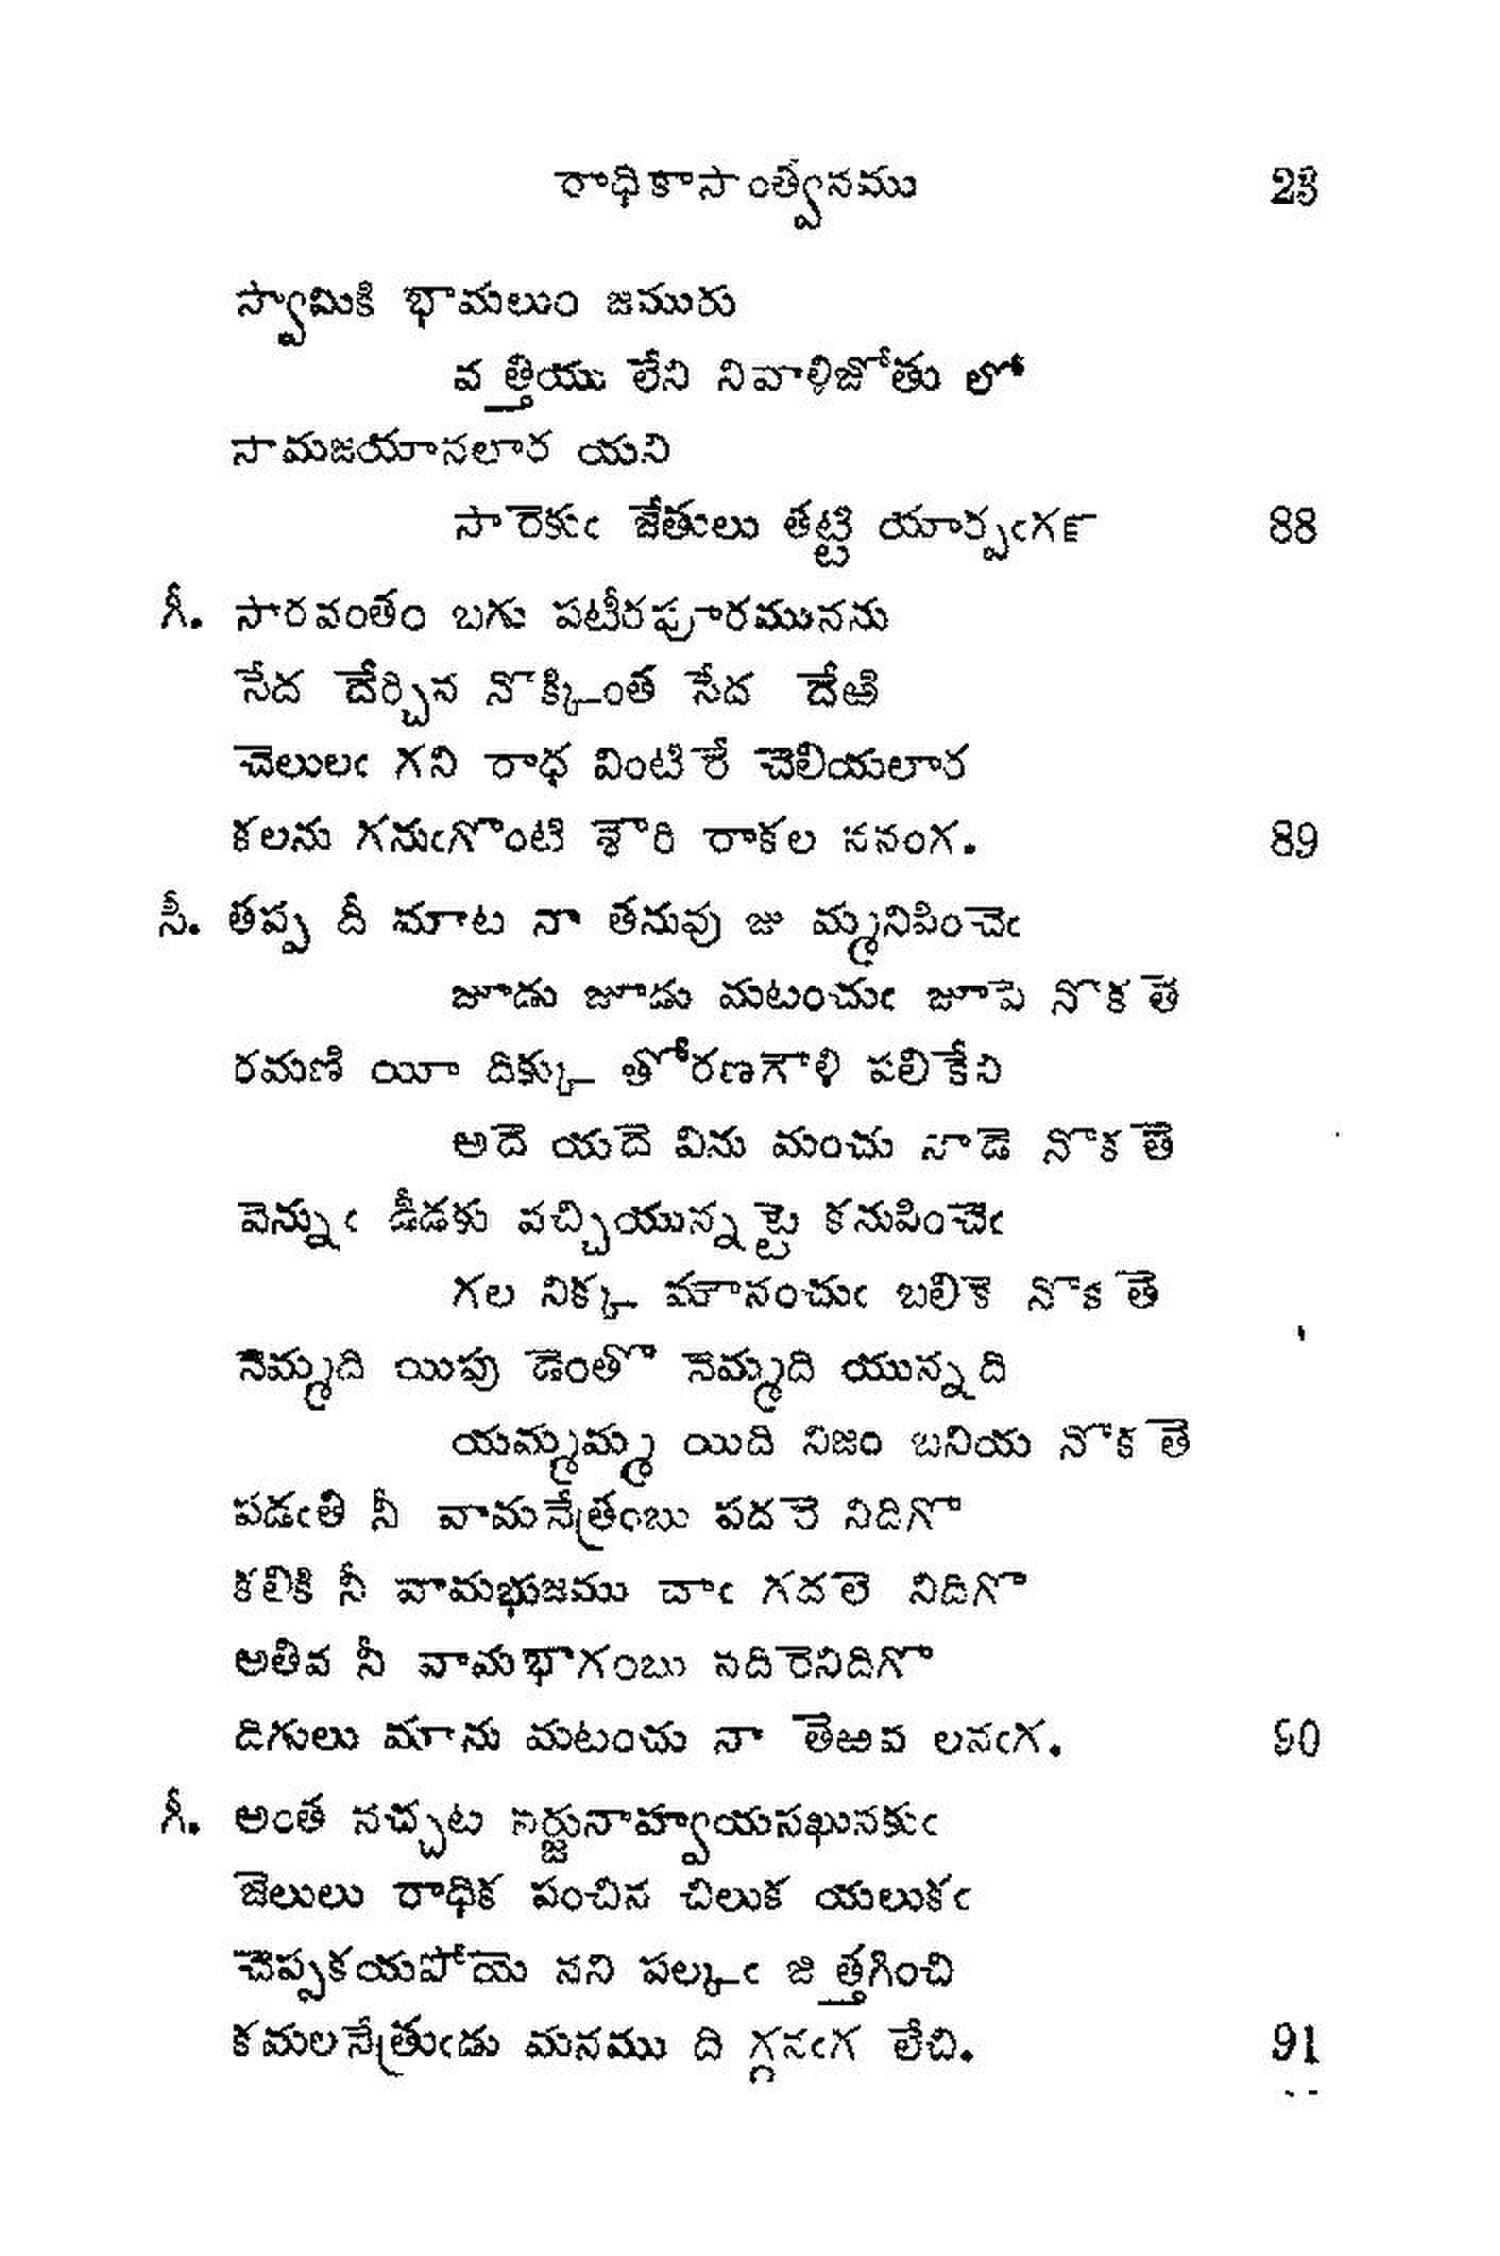స్వామికి భామలుం జమురువత్తియు లేని నివాళిజోతు లో
సామజయానలార యని సారెకుఁ జేతులు తట్టి యార్పఁగన్. 88

గీ. సారవంతం బగు పటీరపూరమునను
సేద దేర్చిన నొక్కింత సేద దేఱి 
చెలులఁ గని రాధ వింటిరే చెలియలార
కలను గనుఁగొంటి శౌరి రాకల ననంగ. 89

సీ. తప్ప దీ మాట నా తనువు జు మ్మనిపించెఁ
జూడు జూడు మటంచుఁ జూపె నొకతె
రమణి యీ దిక్కు తోరణగౌళి పలికేని
అదె యదే విను మంచు నాడె నొకతె
వెన్నుఁ డీడకు వచ్చియున్నట్టె కనుపించెఁ
గల నిక్క మౌనంచుఁ బలికె నొకతె
నెమ్మది యిపు డెంతొ నెమ్మది యున్నది
యమ్మమ్మ యిది నిజం బనియ నొకతె
పడఁతి నీ వామనేత్రంబు పదరె నిదిగొ
కలికి నీ వామభుజము దాఁ గదలె నిదిగొ
అతివ నీ వామభాగంబు నదిరె నిదిగొ
దిగులు మాను మటంచు నా తెఱవ లనఁగ. 90

గీ. అంత నచ్చట నర్జునాహ్వయసఖునకుఁ
జెలులు రాధిక పంచిన చిలుక యలుకఁ
చెప్పకయపోయె నని పల్కఁ జిత్తగించి
కమలనేత్రుఁడు మనము ది గ్గనఁగ లేచి. 91